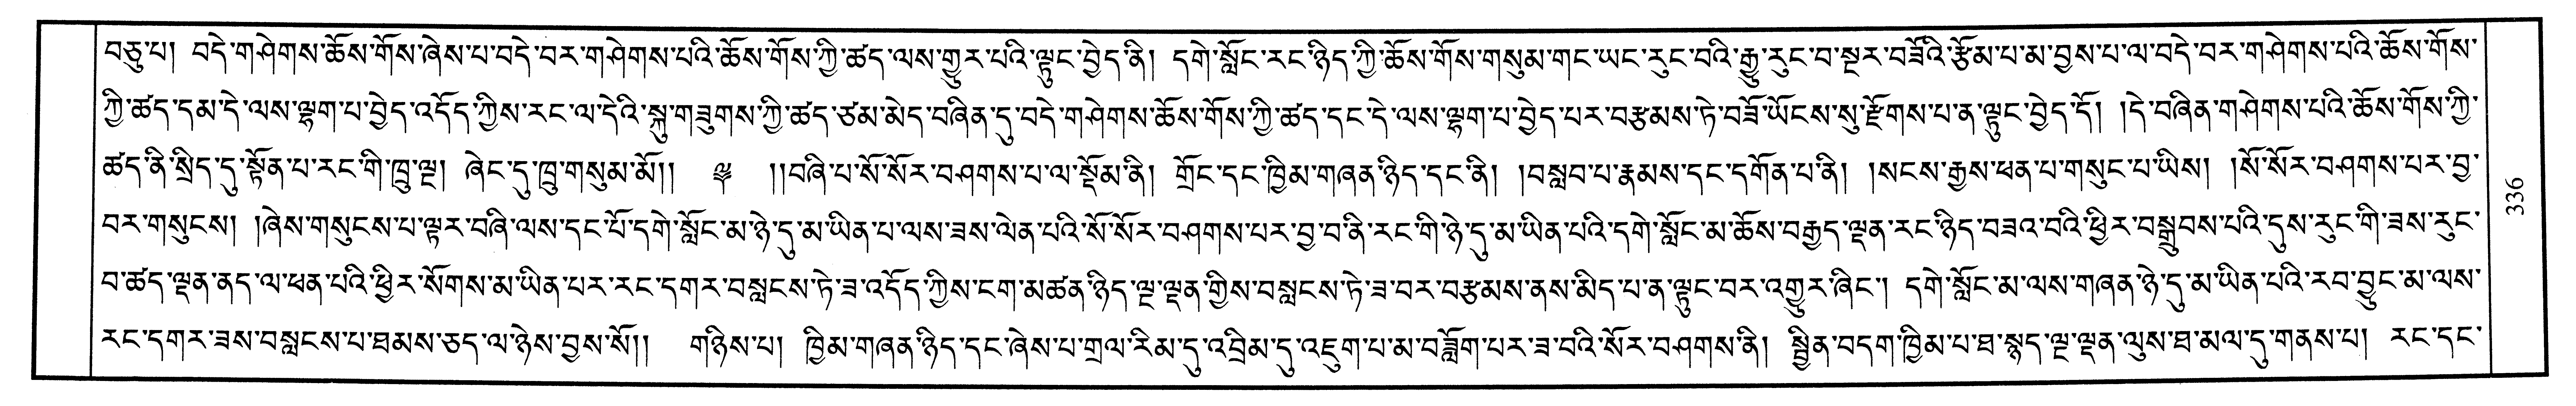བཅུ་པ། བདེ་གཤེགས་ཆོས་གོས་ཞེས་པ་བདེ་བར་གཤེགས་པའི་ཆོས་གོས་ཀྱི་ཚད་ལས་གྱུར་པའི་ལྟུང་བྱེད་ནི། དགེ་སློང་རང་ཉིད་ཀྱི་ཆོས་གོས་གསུམ་གང་ཡང་རུང་བའི་རྒྱུ་རུང་བ་སྔར་བཟོའི་རྩོམ་པ་མ་བྱས་པ་ལ་བདེ་བར་གཤེགས་པའི་ཆོས་གོས་
ཀྱི་ཚད་དམ་དེ་ལས་ལྷག་པ་བྱེད་འདོད་ཀྱིས་རང་ལ་དེའི་སྐུ་གཟུགས་ཀྱི་ཚད་ཙམ་མེད་བཞིན་དུ་བདེ་གཤེགས་ཆོས་གོས་ཀྱི་ཚད་དང་དེ་ལས་ལྷག་པ་བྱེད་པར་བརྩམས་ཏེ་བཟོ་ཡོངས་སུ་རྫོགས་པ་ན་ལྟུང་བྱེད་དོ། །དེ་བཞིན་གཤེགས་པའི་ཆོས་གོས་ཀྱི་
ཚད་ནི་སྲིད་དུ་སྟོན་པ་རང་གི་ཁྲུ་ལྔ། ཞེང་དུ་ཁྲུ་གསུམ་མོ།། ༈ །།བཞི་པ་སོ་སོར་བཤགས་པ་ལ་སྡོམ་ནི། གྲོང་དང་ཁྱིམ་གཞན་ཉིད་དང་ནི། །བསླབ་པ་རྣམས་དང་དགོན་པ་ནི། །སངས་རྒྱས་ཕན་པ་གསུང་པ་ཡིས། །སོ་སོར་བཤགས་པར་བྱ་
བར་གསུངས། །ཞེས་གསུངས་པ་ལྟར་བཞི་ལས་དང་པོ་དགེ་སློང་མ་ཉེ་དུ་མ་ཡིན་པ་ལས་ཟས་ལེན་པའི་སོ་སོར་བཤགས་པར་བྱ་བ་ནི་རང་གི་ཉེ་དུ་མ་ཡིན་པའི་དགེ་སློང་མ་ཆོས་བརྒྱད་ལྡན་རང་ཉིད་བཟའ་བའི་ཕྱིར་བསྒྲུབས་པའི་དུས་རུང་གི་ཟས་རུང་
བ་ཚད་ལྡན་ནད་ལ་ཕན་པའི་ཕྱིར་སོགས་མ་ཡིན་པར་རང་དགར་བསླངས་ཏེ་ཟ་འདོད་ཀྱིས་ངག་མཚན་ཉིད་ལྔ་ལྡན་གྱིས་བསླངས་ཏེ་ཟ་བར་བརྩམས་ནས་མིད་པ་ན་ལྟུང་བར་འགྱུར་ཞིང་། དགེ་སློང་མ་ལས་གཞན་ཉེ་དུ་མ་ཡིན་པའི་རབ་བྱུང་མ་ལས་
རང་དགར་ཟས་བསླངས་པ་ཐམས་ཅད་ལ་ཉེས་བྱས་སོ།། གཉིས་པ། ཁྱིམ་གཞན་ཉིད་དང་ཞེས་པ་གྲལ་རིམ་དུ་འབྲིམ་དུ་འཇུག་པ་མ་བཟློག་པར་ཟ་བའི་སོར་བཤགས་ནི། སྦྱིན་བདག་ཁྱིམ་པ་ཐ་སྙད་ལྔ་ལྡན་ལུས་ཐ་མལ་དུ་གནས་པ། རང་དང་